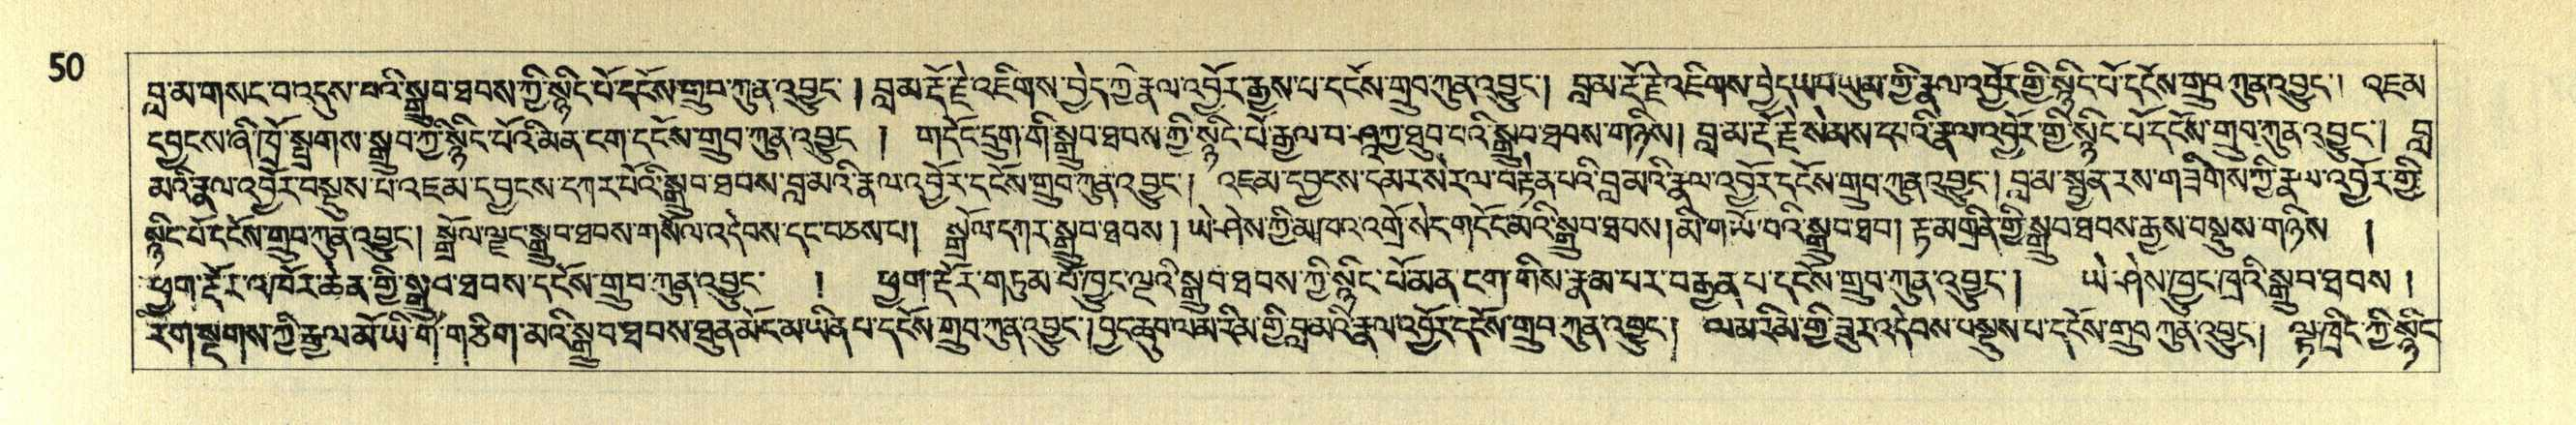བླ་མ་གསང་བ་འདུས་པའི་སྒྲུབ་ཐབས་ཀྱི་སྙིང་པོ་དངོས་གྲུབ་ཀུན་འབྱུང་། བླ་མ་རྡོ་རྗེ་འཇིགས་བྱེད་ཀྱི་རྣལ་འབྱོར་རྒྱས་པ་དངོས་གྲུབ་ཀུན་འབྱུང་། བླ་མ་རྡོ་རྗེ་འཇིགས་བྱེད་ཡབ་ཡུམ་གྱི་རྣལ་འབྱོར་གྱི་སྙིང་པོ་དངོས་གྲུབ་ཀུན་འབྱུང་། འཇམ་
དབྱངས་ཞི་ཁྲོ་སྦྲགས་སྒྲུབ་ཀྱི་སྙིང་པོའི་མན་ངག་དངོས་གྲུབ་ཀུན་འབྱུང་། གདོང་དྲུག་གི་སྒྲུབ་ཐབས་ཀྱི་སྙིང་པོ་རྒྱལ་བ་ཤཱཀྱ་ཐུབ་པའི་སྒྲུབ་ཐབས་གཉིས། བླ་མ་རྡོ་རྗེ་སེམས་དཔའི་རྣལ་འབྱོར་གྱི་སྙིང་པོ་དངོས་གྲུབ་ཀུན་འབྱུང་། བླ་
མའི་རྣལ་འབྱོར་བསྡུས་པ་འཇམ་དབྱངས་དཀར་པོའི་སྒྲུབ་ཐབས་བླ་མའི་རྣལ་འབྱོར་དངོས་གྲུབ་ཀུན་འབྱུང་། འཇམ་དབྱངས་དམར་སེར་ལ་བརྟེན་པའི་བླ་མའི་རྣལ་འབྱོར་དངོས་གྲུབ་ཀུན་འབྱུང་། བླ་མ་སྤྱན་རས་གཟིགས་ཀྱི་རྣལ་འབྱོར་གྱི་
སྙིང་པོ་དངོས་གྲུབ་ཀུན་འབྱུང་། སྒྲོལ་ལྗང་སྒྲུབ་ཐབས་གསོལ་འདེབས་དང་བཅས་པ། སྒྲོལ་དཀར་སྒྲུབ་ཐབས། ཡེ་ཤེས་ཀྱི་མཁའ་འགྲོ་སེང་གདོང་མའི་སྒྲུབ་ཐབས། མི་གཡོ་བའི་སྒྲུབ་ཐབ། རྟ་མགྲིན་གྱི་སྒྲུབ་ཐབས་རྒྱས་བསྡུས་གཉིས།
ཕྱག་རྡོར་འཁོར་ཆེན་གྱི་སྒྲུབ་ཐབས་དངོས་གྲུབ་ཀུན་འབྱུང་། ཕྱག་རྡོར་གཏུམ་པོ་ཁྱུང་ལྔའི་སྒྲུབ་ཐབས་ཀྱི་སྙིང་པོ་མན་ངག་གིས་རྣམ་པར་བརྒྱན་པ་དངོས་གྲུབ་ཀུན་འབྱུང་། ཡེ་ཤེས་ཁྱུང་ཁྲིའི་སྒྲུབ་ཐབས།
རིག་སྔགས་ཀྱི་རྒྱལ་མོ་ཡི་གེ་གཅིག་མའི་སྒྲུབ་ཐབས་ཐུན་མོང་མ་ཡིན་པ་དངོས་གྲུབ་ཀུན་འབྱུང་། བྱང་ཆུབ་ལམ་རིམ་གྱི་བླ་མའི་རྣལ་འབྱོར་དངོས་གྲུབ་ཀུན་འབྱུང་། ལམ་རིམ་གྱི་ཟུར་འདེབས་བསྡུས་པ་དངོས་གྲུབ་ཀུན་འབྱུང་། ལྟ་ཁྲིད་ཀྱི་སྙིང་